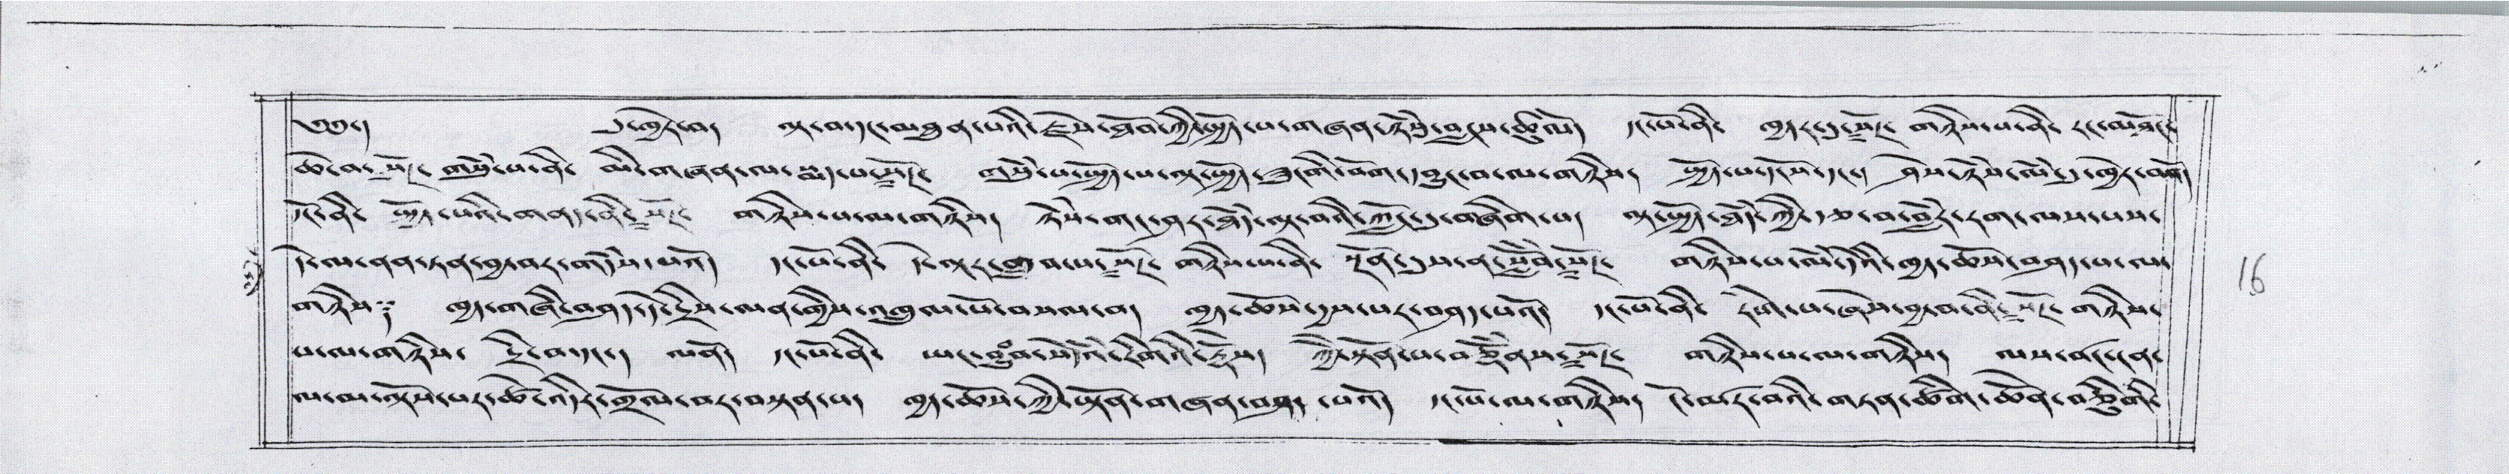དུ་ཁྱེར་བ། ལྟ་བ་དང་མཐུན་པའི་རྗེས་ཐོབ་ཀྱི་སྤྱོད་པ་གཞན་ཉམས་སུ་བླངས་ཚུལ་ལོ། དང་པོ་ནི། ཁྱད་པར་དུ་སོགས། གཉིས་པ་ནི། རང་མཐོང་
ཆེ་བ་སོགས། གསུམ་པ་ནི། མི་གཞན་ལ་སྨད་པ་སོགས། གསུམ་པ་སྤྱོད་པ་ལྟ་སྤྱོད་ཟུང་འཇུག་གི་བོག་དབྱུང་བ་ལ་གཉིས། སྤྱོད་པ་དངོས་དང། ཤེས་ཉམས་ལམ་དུ་ཁྱེར་བའོ། 
དང་པོ་ནི། སྤྱོད་པའི་གནད་ནི་སོགས། གཉིས་པ་ལ་གཉིས། ཉམས་གང་ཤར་ཐམས་ཅད་ལྟ་བའི་ཀློང་དུ་གཞིག་པ། ལྟ་སྤྱོད་ཐམས་ཅད་ཀྱི་རྩ་བ་བླ་མར་རག་ལས་པས། 
དེ་ལ་ནན་ཏན་བྱ་བར་གདམས་པའོ། དང་པོ་ནི། དེ་ལྟར་གྲུབ་པ་སོགས། གཉིས་ཡིན། སྔོན་དུས་ན་སློབ་མ་སོགས། གཉིས་པ་ལམ་དེའི་ཁྱད་ཆོས་བཤད་པ་ལ་
གཉིས། ཁྱད་གཞི་བཤད་དེ་དྲིས་ལན་གྱིས་འཁྲུལ་པོ་བསལ་བ། ཁྱད་ཆོས་རྒྱས་པར་བཤད་པའོ། དང་པོ་ནི། རིག་པ་ཞེས་བྱ་བ་ནི་སོགས། གཉིས་
པ་ལ་གཉིས། དྲི་བ་དང། ལན་ནོ། དང་པོ་ནི། ཡང་བྱང་ཆུབ་སེམས་དཔའ་རིག་པའི་རྡོ་རྗེས། ཀྱཻ་སྟོན་པ་བཅོམ་ལྡན་འདས་སོགས། གཉིས་པ་ལ་གཉིས། ལས་བཟང་ངན་
ལ་མ་ལྟོས་པར་ཚེ་འདིར་གྲོལ་བར་བསྟན་པ། ཁྱད་ཆོས་ཀྱི་ཡོན་ཏན་གཞན་བཤད་པའོ། དང་པོ་ལ་གཉིས། ངོ་མཚར་བའི་གཏན་ཚིག་ཆེན་པོ་བཅུ་གཅིག་གི་